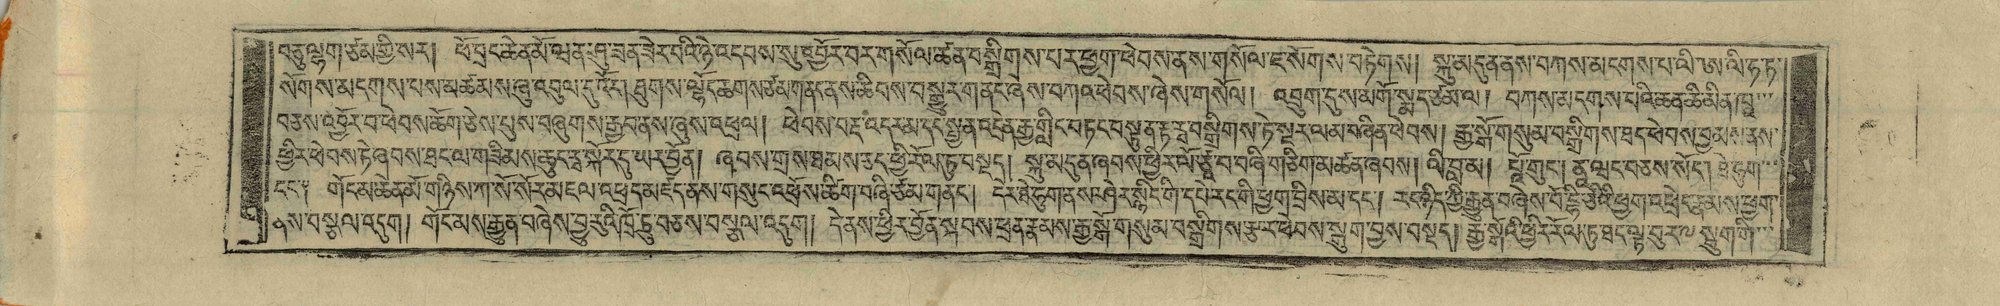བཅུ་ལྷག་ཙམ་གྱི་སར། ཕོ་བྲང་ཆེན་མོ་ཝན་ཤུ་ཟན་ཟེར་བའི་ཉེ་འདབས་སུ་འབྱོར་བར་གསོལ་ཚན་བསྒྲིགས་པར་ཕྱག་ཕེབས་ནས་གསོལ་ཇ་སོགས་བཏེགས། སྐུ་མདུན་ནས་བཀས་མངགས་པ་ལི་ཨ་ལི་ཧ་ཏ་
སོགས་མངགས་པས་མཚམས་ཞུ་འབུལ་དུ་འོར། ཐུགས་ལྷོད་ཆགས་ཙམ་གནང་ནས་ཆིབས་བསྒྱུར་གནང་ཞེས་བཀའ་ཕེབས་ཞེས་གསོལ། འབྲུག་དུས་མགོ་སྨད་ཙམ་ལ། བཀས་མངགས་པའི་ཆན་ཆི་མིན་ཁཱ་
བཅས་འབྱོར་བ་ཕེབས་ཆོག་ཅེས་པུས་བཞུགས་རྒྱབ་ནས་ཞུས་འཕྲལ། ཕེབས་བརྡ་འདར་མ་དང་སྤྱན་འདྲེན་རྒྱ་གླིང་བཏང་བསྟུན་རྟ་རྭ་བསྒྲིགས་ཏེ་སྔར་ལམ་བཞིན་ཕེབས། རྒྱ་སྒོ་གསུམ་བསྒྲིགས་ཐད་ཕེབས་བྱམས་ནས་
ཕྱིར་ཕེབས་ཏེ་ཞབས་ཐང་ལ་གཟིམས་ཆུང་རྭ་སྐོར་དུ་ཡར་བྱོན། ཞབས་གྲས་ཐམས་ཅད་ཕྱི་རོལ་ཏུ་བསྡད། སྐུ་མདུན་ཞབས་ཕྱིར་ལོ་ཙཱ་བ་བཞི་གཅིག་མཚན་ཞབས། ལི་བླ་མ། པO་གུང་། ནཱ་ཝང་བཅས་སོང་། ཐེ་ཧུག་
དང་། གོང་མ་ཆེན་མོ་གཉིས་ཀ་སོ་སོར་མཇལ་འཕྲད་མཛད་ནས་གསུང་འཕྲོས་ཚིག་བཞི་ཙམ་གནང་། དེར་ཐེ་ཧུག་ནས་ཤེར་སྙིང་གི་དཔེ་རང་གི་ཕྱག་བྲིས་མ་དང་། རང་ཉིད་ཀྱི་རྒྱུན་བཞེས་བོ་དྷི་ཅིའི་ཕྱག་འཕྲེང་རྣམས་ཕྱག་
ནས་བསྩལ་འདུག །གོང་མས་རྒྱུན་བཞེས་བྱུ་རུའི་ཁྲོ་ཏྲུ་བཅས་བསྩལ་འདུག །དེ་ནས་ཕྱིར་བྱོན་སྐབས་ཕྲན་རྣམས་རྒྱ་སྒོ་གསུམ་བསྒྲིགས་རྩར་ཕེབས་སྒུག་བྱས་བསྡད། རྒྱ་སྒོའི་ཕྱིར་རོལ་ཏུ་ཐང་ལྟ་བུར་༧སྦུག་གི་